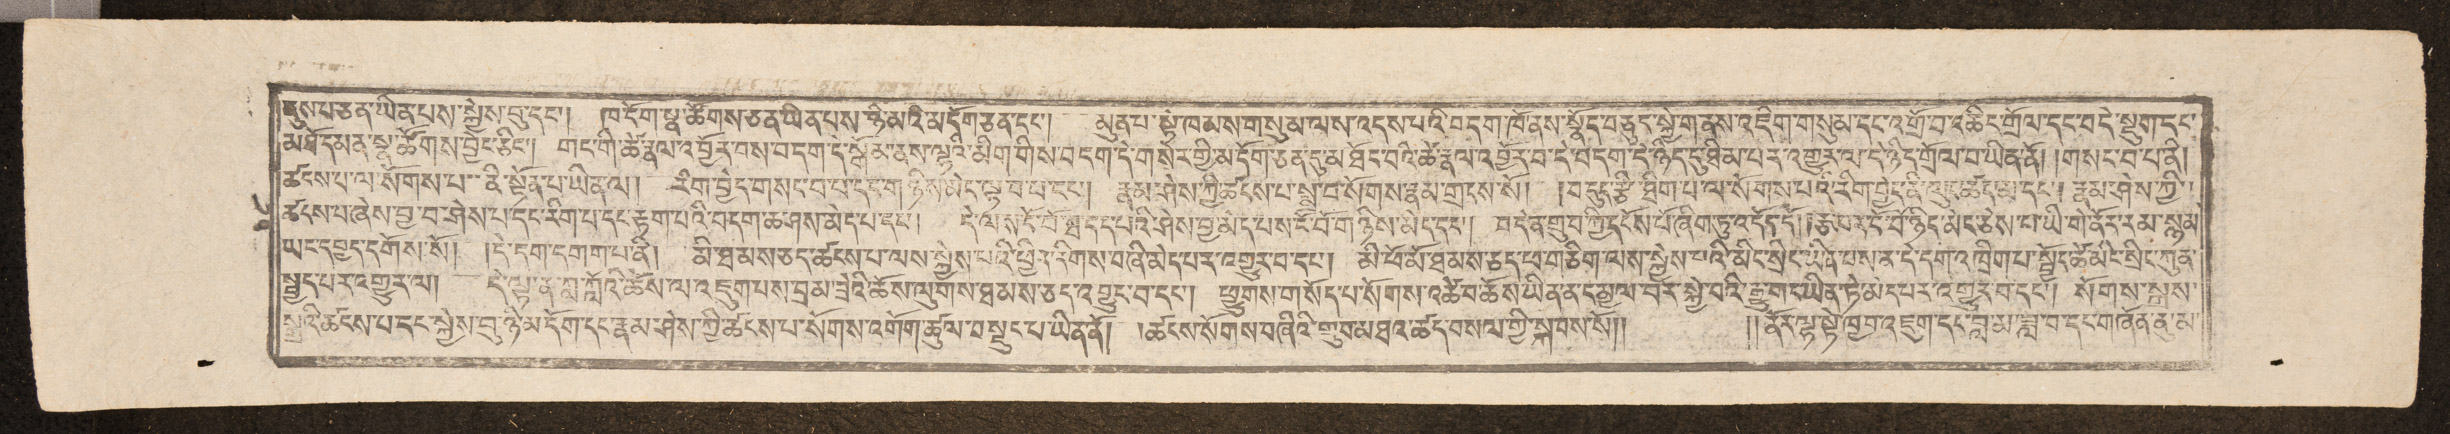ནུས་པ་ཅན་ཡིན་པས་སྐྱེས་བུ་དང་། ཁ་དོག་སྣ་ཚོགས་ཅན་ཡིན་པས་ཉི་མའི་མདོག་ཅན་དང་། མུན་པ་སྟེ་ཁམས་གསུམ་ལས་འདས་པའི་བདག་ཁོ་ནས་སྣོད་བཅུད་སྐྱེ་གནས་འཇིག་གསུམ་དང་འགྲོ་བ་འཆིང་གྲོལ་དང་བདེ་སྡུག་དང་
མཐོ་དམན་སྣ་ཚོགས་བྱེད་ཅིང་། གང་གི་ཚེ་རྣལ་འབྱོར་བས་བདག་དེ་སྒོམ་ནས་ལྷའི་མིག་གིས་བདག་དེ་གསེར་གྱི་མདོག་ཅན་དུ་མཐོང་བའི་ཚེ་རྣ་འབྱོར་བ་དེ་བདག་དེ་ཉིད་དུ་ཐིམ་པར་འགྱུར་ལ་དེ་ཉིད་འགྲོལ་བ་ཡིན་ནོ། །གསང་བ་པ་ནི།
ཚངས་པ་ལ་སོགས་པ་ནི་སྟོན་པ་ཡིན་ལ། རིག་བྱེད་གསང་བ་པ་དང་གཉིས་མེད་ལྟ་བ་པ་དང་། རྣམ་ཤེས་ཀྱི་ཚངས་པ་སྨྲ་བ་སོགས་རྣམ་གྲངས་སོ། །བདུད་རྩི་ཐིག་པ་ལ་སོགས་པའི་རིག་བྱེད་ནི་ལུང་ཚད་མ་དང་། རྣམ་ཤེས་ཀྱི་
ཚངས་པ་ཞེས་བྱ་བ་ཤེས་པ་དང་རིག་པ་དང་རྟག་པའི་བདག་ཆ་ཤས་མེད་པ་དང་། དེ་ལས་ངོ་བོ་ཐ་དད་པའི་ཤེས་བྱ་མེད་པས་ངོ་བོ་གཉིས་མེད་དང་། བདེན་གྲུབ་ཀྱི་དངོས་པོ་ཞིག་ཏུ་འདོད་དོ། །རྩ་བར་ངོ་བོ་ཉིད་མེད་ཅེས་པ་ཡི་གེ་ནོར་རམ་སྙམ་
ཡང་དབྱད་དགོས་སོ། །དེ་དག་དགག་པ་ནི། མི་ཐམས་ཅད་ཚངས་པ་ལས་སྐྱེས་པའི་ཕྱིར་རིགས་བཞི་མེད་པར་འགྱུར་བ་དང་། མི་ཕོ་མོ་ཐམས་ཅད་ཕ་གཅིག་ལས་སྐྱེས་པའི་མིང་སྲིང་ཡིན་པས་ན་དེ་དག་འཁྲིག་པ་སྤྱོད་ཚེ་མིང་སྲིང་ཀུན་
སྦྱད་པར་འགྱུར་ལ། དེ་ལྟ་ན་ཀླ་ཀློའི་ཚེས་ལ་འཇུག་པས་བྲམ་ཟེའི་ཆོས་ལུགས་ཐམས་ཅད་འབྱུང་བ་དང་། ཕྱུགས་གསོད་པ་སོགས་འཚེ་བ་ཆོས་ཡིན་ན་དམྱལ་བར་སྐྱེ་བའི་རྒྱུ་གང་ཡིན་ཏེ་མེད་པར་འགྱུར་བ་དང་། སོགས་སྒྲས་
སྒྲའི་ཚངས་པ་དང་སྐྱེས་བུ་ཉི་མདོག་དང་རྣམ་ཤེས་ཀྱི་ཚངས་པ་སོགས་འགོག་ཚུལ་བསྡུང་པ་ཡིན་ནོ། །ཚངས་སོགས་བཞིའི་གྲུབ་མཐའ་ཚད་བསལ་གྱི་སྐབས་སོ།། །།ནོར་ལྷ་སྟེ་ཁྱབ་འཇུག་དང་བླ་མ་ཟླ་བ་དང་གཞོན་ནུ་མ་